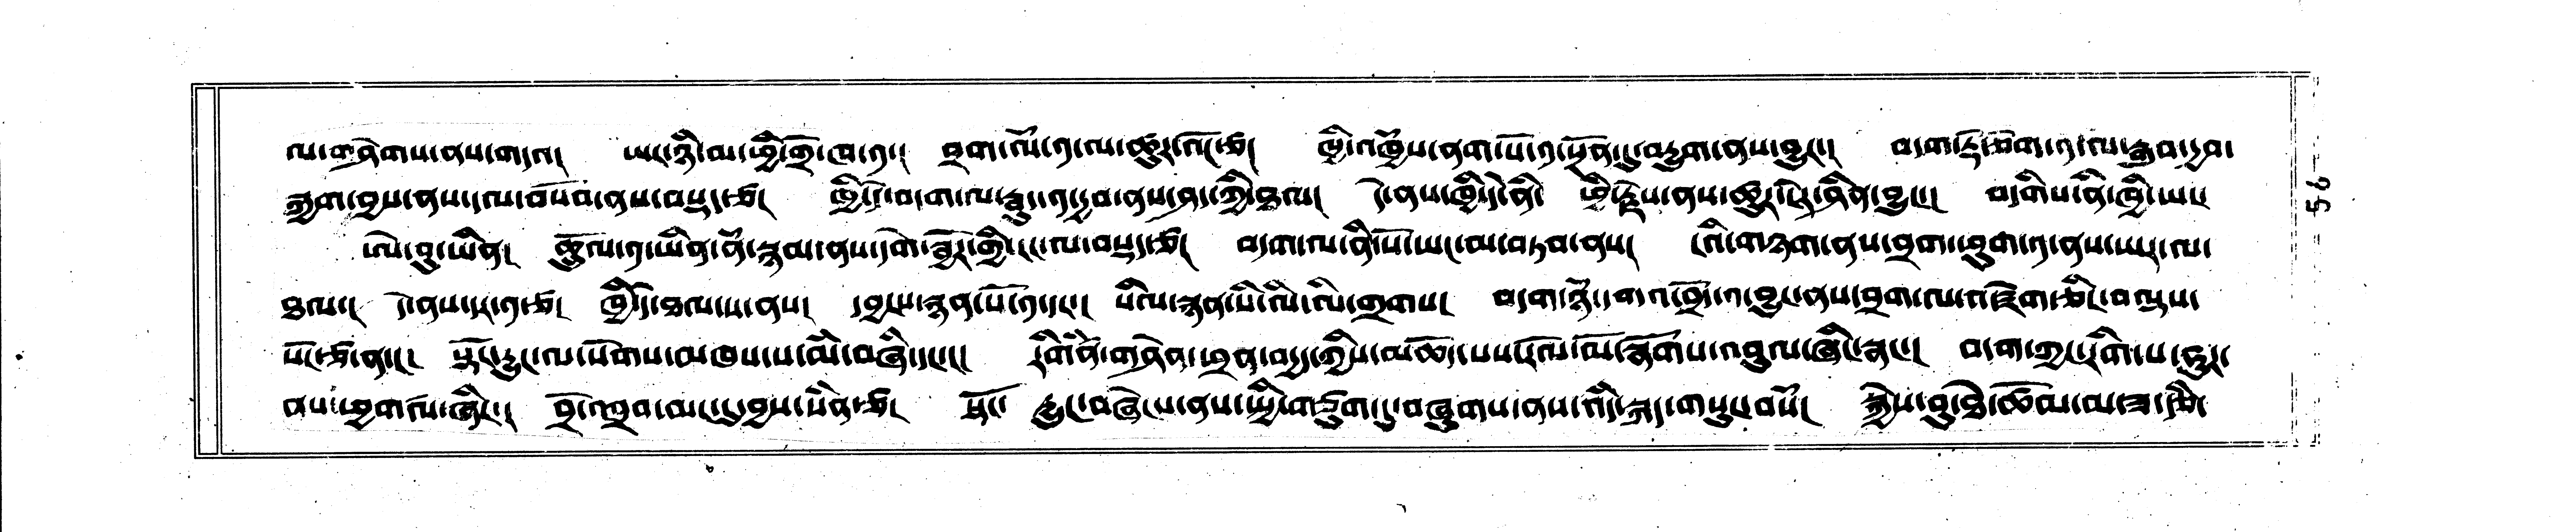ལ་གཤེགས་ནས་གདའ། ཡང་ཉི་མ་ཕྱི་དྲོ་ཁ་གཅིག བྲག་ལམ་གཅིག་ལ་ཚུར་འོང་ཙ། ཁྱི་འཁྱམས་ནག་པོ་གཅིག་སྔོན་དུ་རྒྱུགས་ནས་བྱུང་། བདག་རྡོ་ཅོག་གཅིག་ལ་རྐུབ་རྒྱབ་
སྐྱག་བྱས་ནས་ངལ་བསོས་ནས་བསྡད་ཙ། ཁྱི་དེ་བདག་ལ་རྦུད་གཅིག་རྒྱབ་ནས་ཤད་ཀྱི་ཐལ། དེ་ནས་ཁྱི་དེ་ནི། ཕྱི་རྗེས་ནས་ཚུར་ངེར་ཤིན་བྱུང་། བདག་གིས་ནི་ཁྱི་ཡང་
ཨེ་བུ་ཡིན། ཆོ་འཕྲུལ་གཅིག་ཡིན་ནམ་སྙམ་ནས་དགེ་སྦྱོར་གྱི་ངང་ལ་བསྡད་ཙ། བདག་ལ་ནི་སོ་ཡང་མ་བཏབ་ནས། ངའི་གཉག་ནས་བྲག་ཕུག་གཅིག་ནས་ཡར་ལ་
ཐལ། དེ་ནས་དར་གཅིག་ཙ། ཁྱི་དེ་ཐལ་པ་ནས། དབྱངས་སྙན་པོ་གཅིག་དང་། སིལ་སྙན་སི་ལི་ལི་གྲགས། བདག་ཉམས་དགའ་བྲོད་གཅིག་བྱུང་ནས་བྲག་ལ་འཛེག་ཅིང་བལྟས་
སོང་ཙ་ན། སྟོང་རྒྱུང་ལ་སོགས་མཁས་པ་མི་བཞི་དང་། རིག་འཛིན་གཤེན་ཕྲན་བརྒྱད་ཀྱིས་མཆོད་པས་རོལ་མོ་སྣ་ཚོགས་འབུལ་ཞིང་སྣང་། བདག་ཀྱང་རིག་པ་ཧུར་
ནས་ཕྱག་འཚལ་ཞིང་། བྲོ་འཁྲབ་མང་དུ་བྱས་སིན་ཙ། སྟོང་རྒྱུང་བཞེངས་ནས་སྤྱི་གཙུག་ཏུ་བཞུགས་ནས་འདི་སྐད་གསུངས་བསམ། སྐྱེས་བུ་ཐེ་ཚོམ་མ་ཟ་རྩི་